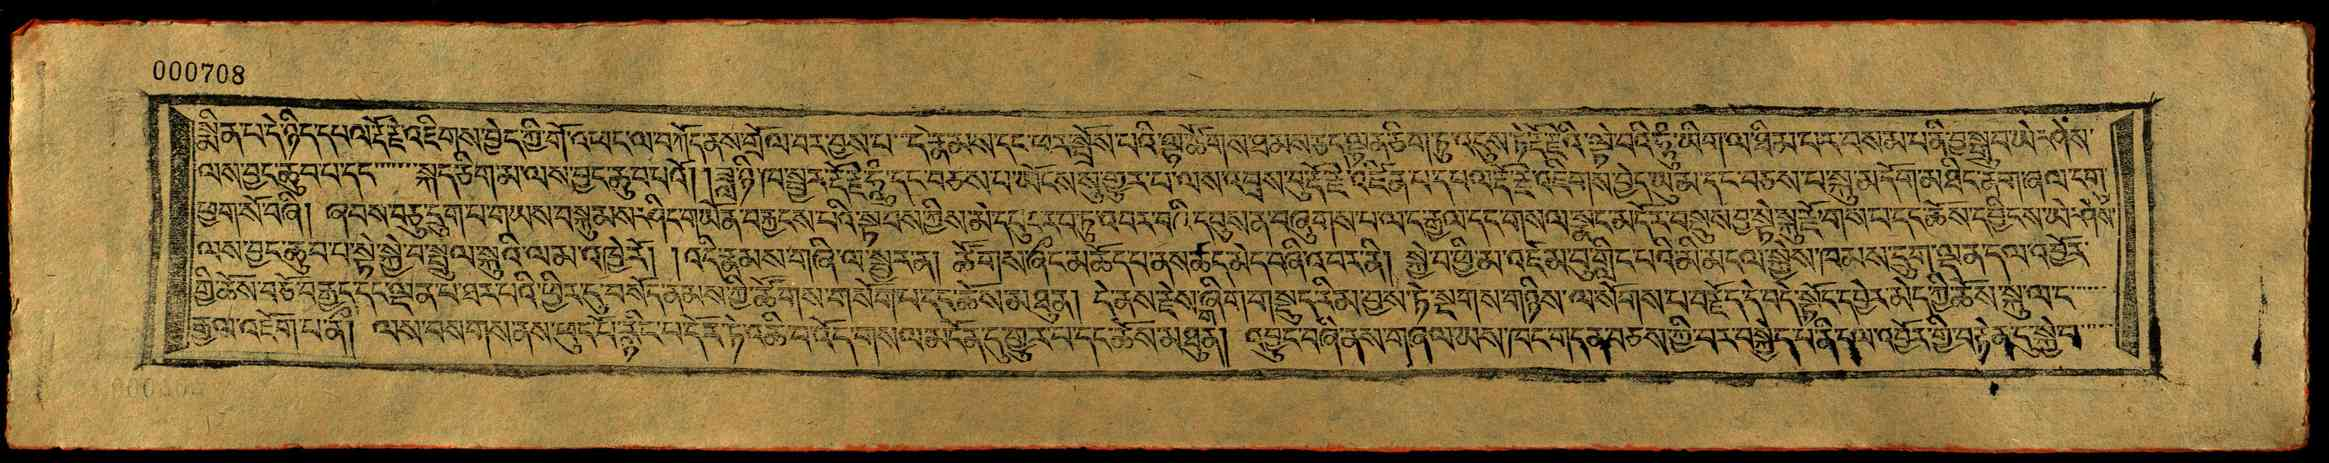སྨིན་པ་དེ་ཉིད་དཔལ་རྡོ་རྗེ་འཇིགས་བྱེད་ཀྱི་གོ་འཕང་ལ་བཀོད་ནས་གྲོལ་བར་བྱས་པ། དེ་རྣམས་དང་ཕར་སྤྲོས་པའི་ལྷ་ཚོགས་ཐམས་ཅད་ལྷན་ཅིག་ཏུ་འདུས་ཏེ་རྡོ་རྗེའི་ལྟེ་བའི་ཧཱུཾ་ཡིག་ལ་ཐིམ་པར་བསམ་པ་ནི་བྱ་སྒྲུབ་ཡེ་ཤེས་
ལས་བྱང་ཆུབ་པ་དང་སྐད་ཅིག་མ་ལས་བྱང་ཆུབ་པའོ། །ཟླ་ཉི་ཁ་སྦྱར་རྡོ་རྗེ་ཧཱུཾ་དང་བཅས་པ་ཡོངས་སུ་གྱུར་པ་ལས་འབྲས་བུ་རྡོ་རྗེ་འཛིན་པ་དཔལ་རྡོ་རྗེ་འཇིགས་བྱེད་ཡུམ་དང་བཅས་པ་སྐུ་མདོག་མཐིང་ནག་ཞལ་དགུ་
ཕྱག་སོ་བཞི། ཞབས་བཅུ་དྲུག་པ་གཡས་བསྐུམས་ཤིང་གཡོན་བརྐྱངས་པའི་སྟབས་ཀྱིས་མེ་དཔུང་རབ་ཏུ་འབར་བའི་དབུས་ན་བཞུགས་པ་ལ་ང་རྒྱལ་དང་གསལ་སྣང་མདོར་བསྡུས་བྱ་སྟེ་སྐུ་རྫོགས་པ་དང་ཆོས་དབྱིངས་ཡེ་ཤེས་
ལས་བྱང་ཆུབ་པ་སྟེ་སྐྱེ་བ་སྤྲུལ་སྐུའི་ལམ་འཁྱེར་རོ། །འདི་རྣམས་གཞི་ལ་སྦྱར་ན། ཚོགས་ཞིང་མཆོད་པ་ནས་ཚད་མེད་བཞིའི་བར་ནི། སྐྱེ་བ་ཕྱི་མ་འཛམ་བུ་གླིང་པའི་མི་མངལ་སྐྱེས་ཁམས་དྲུག་ལྡན་དལ་འབྱོར་
གྱི་ཆོས་བཅོ་བརྒྱད་དང་ལྡན་པ་ཐོབ་པའི་ཕྱིར་དུ་བསོད་ནམས་ཀྱི་ཚོགས་གསོག་པ་དང་ཆོས་མཐུན། དེ་ནས་རྗེས་ཞིག་གི་སྡུད་རིམ་བྱས་ཏེ་སྔགས་གཉིས་ལ་སོགས་ལ་བརྗོད་དེ་བདེ་སྟོང་དབྱེར་མེད་ཀྱི་ཆོས་སྐུ་ལ་ང་
རྒྱལ་འཇོག་པ་ནི། ལས་བསགས་ནས་ཕུང་པོ་རྙིང་པ་དོར་ཏེ་འཆི་བ་འོད་གསལ་མངོན་དུ་གྱུར་པ་དང་ཆོས་མཐུན། འབྱུང་བཞི་ནས་གཞལ་ཡས་ཁང་གདན་བཅས་ཀྱི་བར་བསྐྱེད་པ་ནི་དལ་འབྱོར་གྱི་རྟེན་དུ་སྐྱེ་བ་